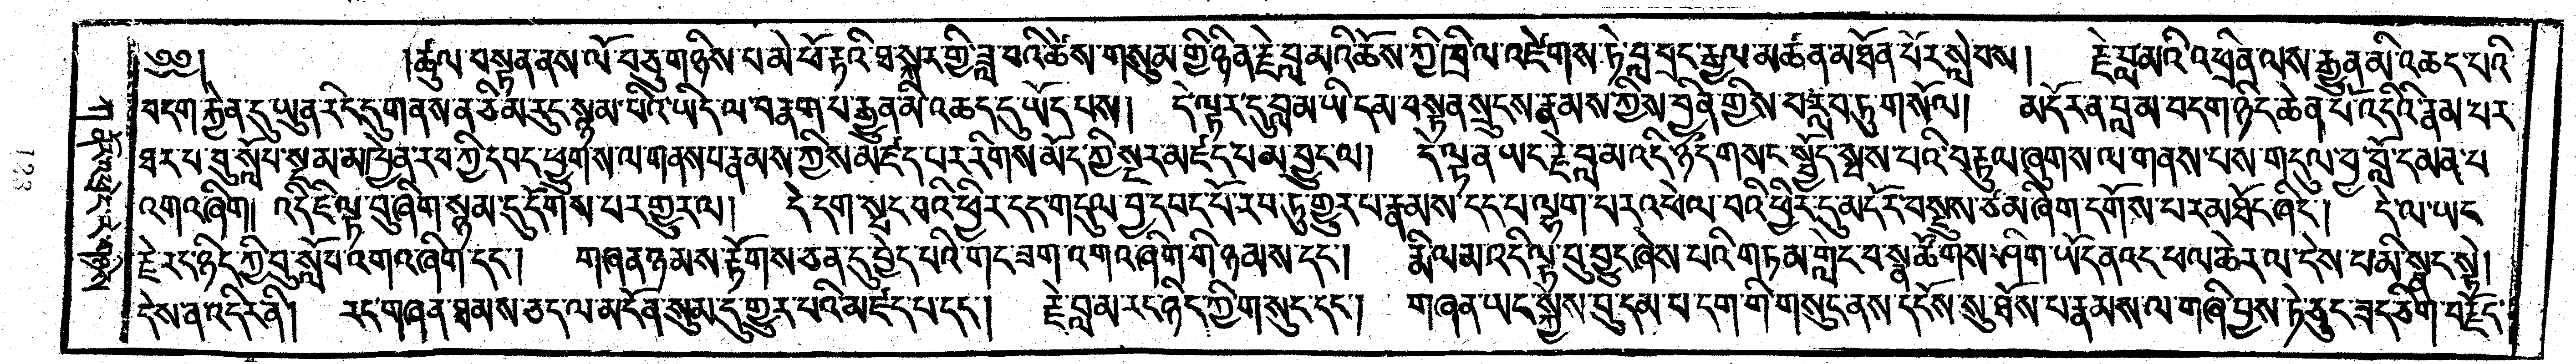༄༅། །ཚུལ་བསྟན་ནས་ལོ་བཅུ་གཉིས་པ་མེ་ཕོ་རྟའི་ཐ་སྐར་གྱི་ཟླ་བའི་ཚེས་གསུམ་གྱི་ཉིན་རྗེ་བླ་མའི་ཆོས་ཀྱི་ཁྲིལ་འཛེགས་ཏེ་བླ་བྲང་རྒྱལ་མཚན་མཐོན་པོར་སླེབས། རྗེ་བླ་མའི་འཕྲིན་ལས་རྒྱུན་མི་འཆད་པའི་
བདག་རྐྱེན་དུ་ཡུན་རིང་དུ་གནས་ན་ཅི་མ་རུང་སྙམ་པའི་ཡིད་ལ་བྲང་པ་རྒྱུན་མི་འཆད་དུ་ཡོད་པས། དེ་ལྟར་དུ་བླ་མ་ཡི་དམ་བསྟན་སྲུངས་རྣམས་ཀྱིས་བྱིན་གྱིས་བརླབ་ཏུ་གསོལ། མདོར་ན་བླ་མ་བདག་ཉིད་ཆེན་པོ་འདིའི་རྣམ་པར་
ཐར་པ་བུ་སློབ་སྔ་མ་མཁྱེན་རབ་ཀྱི་དབང་ཕྱུགས་ལ་གནས་པ་རྣམས་ཀྱིས་མཛད་པར་རིགས་མོད་ཀྱི་སྔར་མཛད་པ་མ་བྱུང་ལ། དེ་ལྟ་ན་ཡང་རྗེ་བླ་མ་འདི་ཉྀད་གསང་སྦྱོད་སྤས་པའི་བརྟུལ་ཞུགས་ལ་གནས་པས་གདུལ་བྱ་བློ་དམན་པ་
འགའ་ཞིག། འདི་ཇི་ལྟ་བུ་ཞིག་སྙམ་དུ་དོགས་པར་གྱུར་ལ། དེ་དག་སྤང་བའི་ཕྱིར་དང་གདུལ་བྱ་དབང་པོ་རབ་ཏུ་གྱུར་པ་རྣམས་དད་པ་ལྷག་པར་འཕེལ་བའི་ཕྱིར་དུ་མདོར་བསྡུས་ཙམ་ཞིག་དགོས་པར་མཐོང་ཞིང་། དེ་ལ་ཡང་
རྗེ་རང་ཉིད་ཀྱི་བུ་སློབ་འགའ་ཞིག་དང་། གཞན་ཉམས་རྟོགས་ཅན་དུ་བྱེད་པའི་གང་ཟག་འགའ་ཞིག་གི་ཉམས་དང་། རྨི་ལམ་འདི་ལྟ་བུ་བྱུང་ཞེས་པའི་གཏམ་གླེང་པ་སྣ་ཚོགས་ཤིག་ཡོད་ནའང་ཕལ་ཆེར་ལ་དེས་པ་མི་སྣང་སྟེ།
དེས་ན་འདིར་ནི། རང་གཞན་ཐམས་ཅད་ལ་མངོན་སུམ་དུ་གྱུར་པའི་མཛད་པ་དང་། རྗེ་བླ་མ་རང་ཉིད་ཀྱི་གསུང་དང་། གཞན་ཡང་སྐྱེས་བུ་དམ་པ་དག་གི་གསུང་ནས་དངོས་སུ་ཐོས་པ་རྣམས་ལ་གཞི་བྱས་ཏེ་ཅུང་ཟད་ཅིག་བརྗོད་